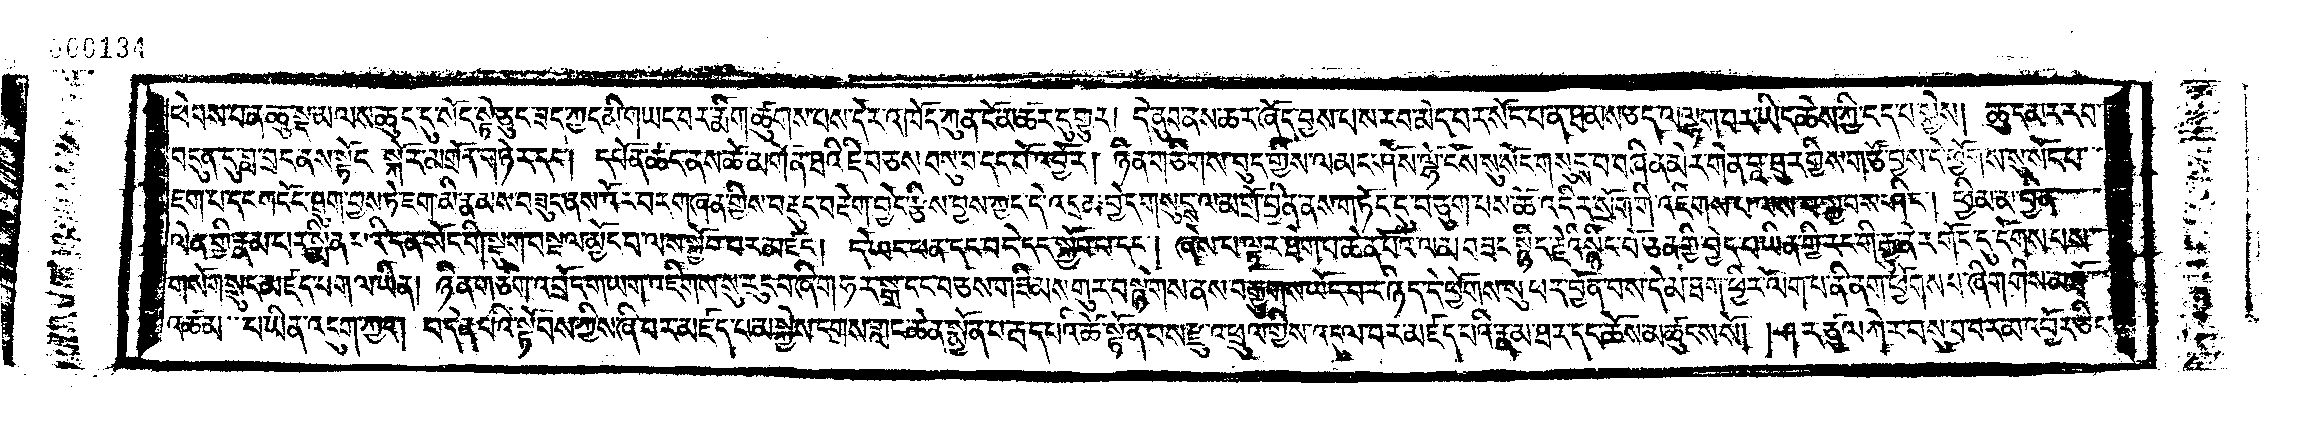ཕེབས་པ་ན་ཆུ་སྔ་མ་ལས་ཆུང་དུ་སོང་སྟེ་ཅུང་ཟད་ཀྱང་མི་གཡང་བར་རྨིག་ཚུགས་པས་དེར་འཁོད་ཀུན་ངོ་མཚར་དུ་གྱུར། དེ་ནུབ་ནས་ཆར་ཞོད་བྱས་པས་རབ་མེད་པར་སོང་བ་ན་ཐམས་ཅད་ལ་ལྷག་པར་ཡིད་ཆེས་ཀྱི་དད་པ་སྐྱེས། ཆུ་དམར་རབ་
བདུན་དུ་བླ་བྲང་ནས་སྟོང་སྐོར་མགྲོན་གཉེར་དང་། དཔོན་ཚང་ནས་ཚེ་མགོན་ཐའི་ཇི་བཅས་བསུ་བ་དང་པོ་འབྱོར། ཉིན་གཅིག་ས་བུད་གྱིས་ལ་མང་ཤོས་ལྷོ་ངོས་སུ་སོང་གསུངས་པ་བཞིན་མེར་གེན་བཱ་ཐུར་གྱིས་གཙོ་བྱས་དེ་ཕྱོགས་སུ་སོང་བ་
ཇག་པ་དང་གདོང་ཐུག་བྱས་ཏེ་ཇག་མི་རྣམས་བཟུང་ནས་འོང་བར་གཞན་གྱིས་བརྡུང་བརྡེག་བྱེད་རྩིས་བྱས་ཀྱང་དེ་འདྲ་མ་བྱེད་གསུངས་ལམ་གྲོ་བྱིན་ནས་གཏོང་དུ་བཅུག་པས་ཚེ་འདིར་སྲོག་གི་འཇིགས་པ་ལས་བསྐྱབས་ཤིང་། ཕྱི་མ་མ་བྱིན་
ལེན་གྱི་རྣམ་པར་སྨིན་པའི་ངན་སོང་གི་སྡུག་བསྔལ་མྱོང་བ་ལས་སྐྱོབ་པར་མཛད། དེ་ཡང་ཕན་དང་བདེ་དང་སྐྱོབ་པ་དང་། ཞེས་པ་ལྟར་ཐེག་པ་ཆེན་པོའི་ལམ་བཟང་སྙིང་རྗེའི་སྙིང་པོ་ཅན་གྱི་བྱེད་པ་ཡིན་གྱི་རང་གི་རྒྱུ་ནོར་གོད་དུ་དོགས་པས་
གསོག་སྲུང་མཛད་པ་ག་ལ་ཡིན། ཉིན་གཅིག་འབྲོང་གཡག་འཇིགས་སུ་རུང་བ་ཞིག་ཧར་སྒྲ་དང་བཅས་གཟིམས་གུར་བསྙེགས་ནས་བརྒྱུགས་ཡོང་བར་ཉིད་དེ་ཕྱོགས་སུ་ཕར་བྱོན་པས་དེ་མ་ཐག་ཕྱིར་ལག་པ་ནི་ནག་ཕྱོགས་པ་ཞིག་གིས་མཐོ་
འཚམ་པ་ཡིན་འདུག་ཀྱང་། བདེན་པའི་སྟོབས་ཀྱིས་ཞི་བར་མཛད་པ་མ་སྐྱེས་དགྲས་གླང་ཆེན་སྨྱོན་པ་རྦད་པའི་ཚེ་སྟོན་པས་རྫུ་འཕྲུལ་གྱིས་འདུལ་བར་མཛད་པའི་རྣམ་ཐར་དང་ཆོས་མཚུངས་སོ། །ཤ་ར་ཙུལ་ཀེར་བསུ་བ་བར་མ་འབྱོར་ཅིང་